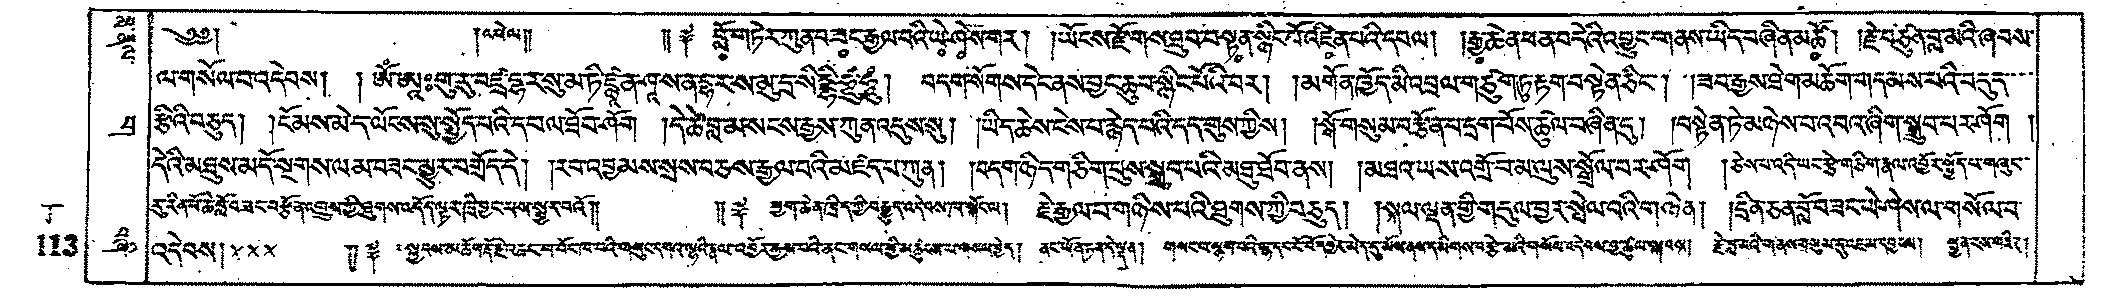༄༅། །འཕེལ།། །།འབློ྾་གཏེར་ཀུན་བཟང྾་རྒྱལ་བའི་ཡེ྾་ཤེས྾་གར། །ཡོངས་རྫོགས་ཐུབ་བསྟན྾་སྙིང་པོ་འཛིན྾་པའི་དཔལ། །རྒྱ྾་ཆེན་ཕན་བདེའི་འབྱུང་གནས་ཡིད་བཞིན་མཚོ྾། །རྗེ་བཙུན་བླ་མའི་ཞབས་
ལ་གསོལ་བ་འདེབས། །ཨོཾ་ཨཱཿགུ་རུ་བཛྲ་དྷ་ར་སུ་མ་ཏི་ཛྙཱ་ན་ཤཱ་ས་ན་དྷ་ར་ས་མུ་དྲ་སིདྡྷི་ཧཱུཾ་ཧཱུཾ། བདག་སོགས་དེང་ནས་བྱང་ཆུབ་སྙིང་པོའི་བར། །མགོན་ཁྱོད་མི་འབྲལ་གཙུག་ཏུ་རྟག་བསྟེན་ཅིང་། །ཟབ་རྒྱས་ཐེག་མཆོག་གདམས་པའི་བདུད་་་
རྩིའི་བཅུད། །ངོམས་མེད་ལོངས་སུ་སྤྱོད་པའི་དཔལ་ཐོབ་ཤོག །དེ་ཚེ་བླ་མ་སངས་རྒྱས་ཀུན་འདུས་སུ། །ཡིད་ཆེས་ངེས་པ་རྙེད་པའི་དད་གུས་ཀྱིས། །སྒོ་གསུམ་བརྩོན་པ་དྲག་པོས་ཚུལ་བཞིན་དུ། །བསྟེན་ཏེ་མཉེས་པ་འབའ་ཞིག་སྒྲུབ་པར་ཤོག །
དེའི་མཐུས་མདོ་སྔགས་ལམ་བཟང་མྱུར་བགྲོད་དེ། །རབ་འབྱམས་སྲས་བཅས་རྒྱལ་བའི་མཛད་པ་ཀུན། །བདག་ཉིད་གཅིག་པུས་སྒྲུབ་པའི་མཐུ་ཐོབ་ནས། །མཐའ་ཡས་འགྲོ་བ་མ་ལུས་སྒྲོལ་བར་ཤོག །ཅེས་པ་འདི་ཡང་རྩེ་གཅིག་རྣལ་འབྱོར་སྤྱོད་པ་གཞུང་་་
རུ་རིན་པོ་ཆེ་བློ་བཟང་བརྩོན་འགྲུས་ཀྱི་ཐུགས་འདོད་ལྟར་ཁྲི་བྱང་པས་སྦྱར་བའོ།། །།འཕྱག་ཆེན་ཁྲིད་ཀྱི་བརྒྱུད་འདེབས་ཁ་སྐོང་ལ། རྗེ་རྒྱལ་བ་གཉིས་པའི་ཐུགས་ཀྱི་བཅུད། །སྐལ་ལྡན་གྱི་གདུལ་བྱར་སྤེལ་བའི་གཉེན། །དྲིན་ཅན་བློ་བཟང་ཡེ་ཤེས་ལ་གསོལ་བ་
འདེབས། ྾་྾་྾་།། འ ༧སྐྱབས་མཆོག་རྡོ་རྗེ་འཆང་ཕ་བོང་ཁ་པའི་གསུང་དགའ་ལྷའི་རྣལ་འབྱོར་རྒྱས་པའི་ནང་གསལ་ཕྱི་མཚུངས་པ་གསལ་བྱེད། ནང་ཡོན་ཏན་དེ་ལྡན། གསང་བ་ལྷག་པའི་ལྷ་དང་ངོ་བོ་དབྱེར་མེད་དུ་མོས་ནས་དམིགས་བརྩེ་མའི་གསོལ་འདེབས་བྱ་ཚུལ་སྐབས། རྗེ་བླ་མའི་གནས་གསུམ་དུ་འཇམ་དབྱངས། སྤྱན་རས་གཟིཌ།